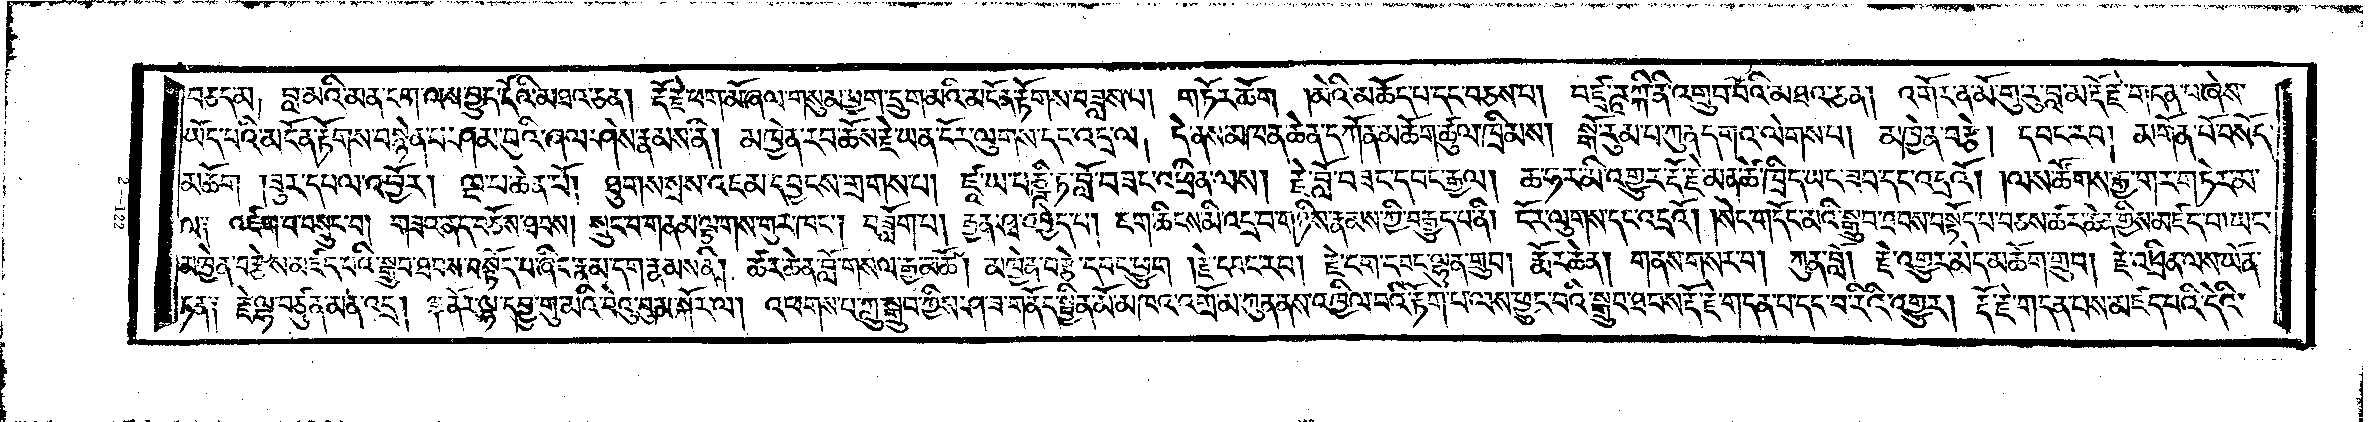བཅད་མ། བླ་མའི་མན་ངག་ལས་བྱུང་དོའི་མཐའ་ཅན། རྡོ་རྗེ་ཕག་མོ་ཞལ་གསུམ་ཕྱག་དྲུག་མའི་མངོན་རྟོགས་བཟླས་པ། གཏོར་ཆོག །མེའི་མཆོད་པ་དང་བཅས་པ། བཛྲ་ཌཱཀྐི་ནི་འགྲུབ་བོའི་མཐའ་ཅན། འགོར་ན་མོ་གུ་རུ་བླ་མ་རྡོ་རྗེ་གདན་པ་ཞེས་
ཡོད་པའི་མངོན་རྟོགས་བསྙེན་པ་ཤམ་བུའི་ཞལ་ཤེས་རྣམས་ནི། མཁྱེན་རབ་ཆོས་རྗེ་ཡན་ངོར་ལུགས་དང་འདྲ་ལ། དེ་ནས་མཁན་ཆེན་དཀོན་མཆོག་ཚུལ་ཁྲིམས། སྒོ་རུམ་པ་ཀུན་དགའ་ལེགས་པ། མཁྱེན་བརྩེ། དབང་རབ། མགོན་པོ་བསོད་
མཆོག །ཟུར་དཔལ་འབྱོར། ལྔ་པ་ཆེན་པོ། ཐུགས་སྲས་འཇམ་དབྱངས་གྲགས་པ། ཛཱ་ཡ་པཎྜི་ཏ་བློ་བཟང་འཕྲིན་ལས། རྗེ་བློ་བཟང་དབང་རྒྱལ། ཆ་ཧར་མི་འགྱུར་རྡོ་རྗེ་མན་ཚེ་ཁྲིད་ཡང་ཟབ་དང་འདྲའོ། །ལས་ཚོགས་རྒྱ་གར་གཏེར་མ་
ལ༑ འཛག་པ་བསྲུང་བ། གཟའ་ནད་བཅོས་ཐབས། སྲུང་བ་གནམ་ལྕགས་གུར་ཁང་། བཟློག་པ། རྒྱན་ཤྭ་འབྱེད་པ། ཇག་ཆིངས་མི་འདྲ་བ་གཉིས་རྣམས་ཀྱི་བརྒྱུད་པ་ནི། ངོར་ལུགས་དང་འདྲའོ། །སེང་གདོང་མའི་སྒྲུབ་ཐབས་བསྟོད་པ་བཅས་ཚར་ཆེན་གྱིས་མཛད་པ། ཡང་
མཁྱེན་བརྩེས་མཛད་པའི་སྒྲུབ་ཐབས་བསྟོད་བ་ཞིང་རྣམ་དག་རྣམས་ནི། ཚར་ཆེན་བློ་གསལ་རྒྱ་མཚོ། མཁྱེན་བརྩེ་དབང་ཕྱུག །རྗེ་དབང་རབ། རྗེ་ངག་དབང་ལྷུན་གྲུབ། རྨོར་ཆེན། གནས་གསར་བ། ཀུན་བློ། རྗེ་འགྱུར་མེད་མཆོག་གྲུབ། རྗེ་འཕྲིན་ལས་ཡོན་
ཏན༑ རྗེ་ལྷ་བཙུན་མན་འདྲ། ༈ ནོར་ལྷ་དབྱུ་གུ་མའི་བེའུ་བུམ་སྐོར་ལ། འཕགས་པ་ཀླུ་སྒྲུབ་ཀྱིས་ཤ་ཟ་གནོད་སྦྱིན་མོ་མཁའ་འགྲོ་མ་ཀུན་ནས་འཁྱིལ་བའི་རྟོག་པ་ལས་ཕྱུང་བའི་སྒྲུབ་ཐབས་རྡོ་རྗེ་གདན་པ་དང་བ་རིའི་འགྱུར། རྡོ་རྗེ་གདན་པས་མཛད་པའི་དེའི་